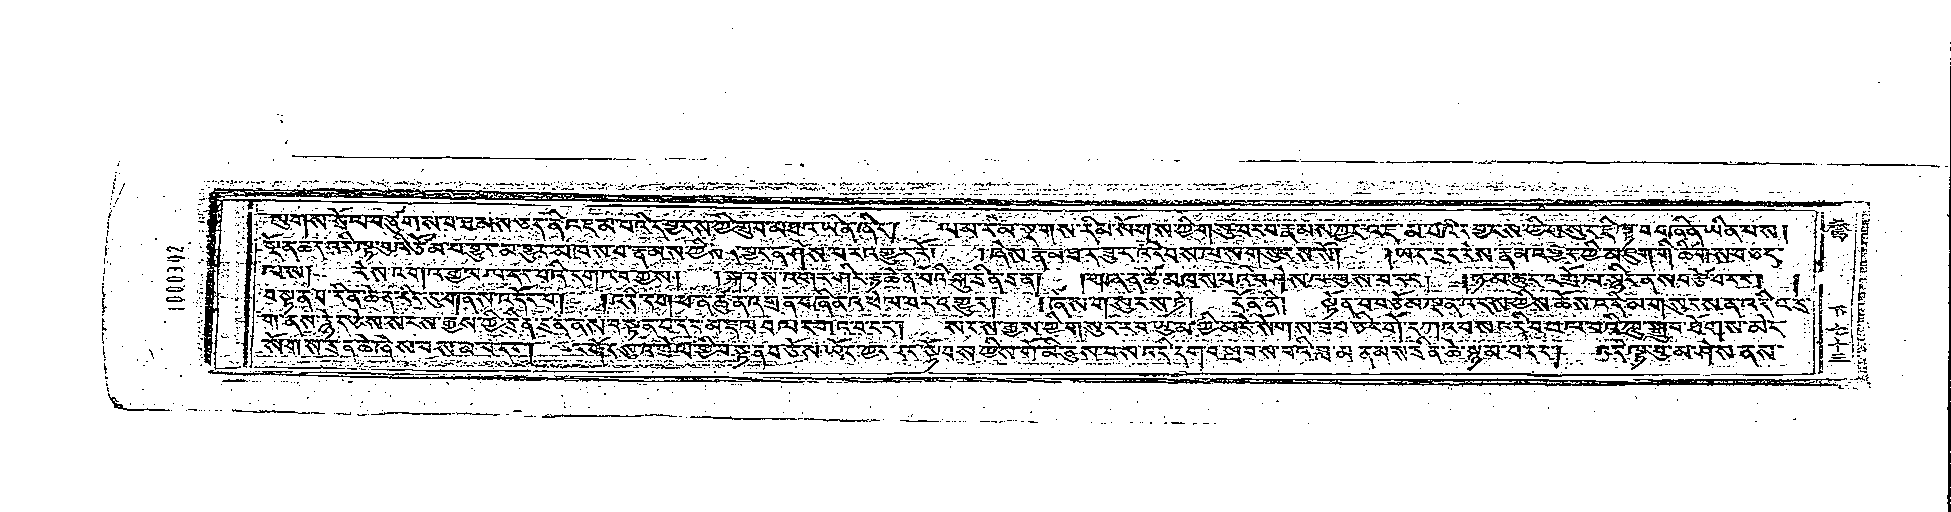ལུགས་སྲོལ་བཙུགས་པ་ཐམས་ཅད་ནི་འཇམ་པའི་དབྱངས་ཀྱི་གྲུབ་མཐའ་ཡིན་ཞིང་། ལམ་རིམ་སྔགས་རིམ་སོགས་ཀྱི་གསུ་བར་བ་རྣམས་ཀྱང་འཇམ་པའི་དབྱངས་ཀྱི་གསུང་ཇི་ལྟ་བ་བཞིན་ཡིན་པས།
སྔོན་ཆད་འདི་ལྟ་བུའི་ཙོམ་པ་བྱུང་མ་བྱུང་མཁས་པ་རྣམས་ཀྱིས་དཔྱད་ན་ཤེས་པར་འགྱུར་རོ། །ཞེས་རྣམ་ཐར་ཟུར་འདེབས་ལས་གསུངས་སོ། །ཡང་དྲང་ངེས་རྣམ་འབྱེད་ཀྱི་མཇུག་གི་ཚིགས་བཅད་
ལས། རེས་འགའ་རྒྱལ་ལ་དད་པའི་དགའ་བ་གྱིས། །སྐབས་འགར་ཤིང་རྟ་ཆེན་པོའི་སྐུ་དྲིན་དྲན། །གཞན་ཚེ་མཁས་པའི་བཤེས་ལ་གུས་བ་དང་། །ཉམ་ཆུང་འགྲོ་ལ་སྙིང་ནས་བརྩེ་བ་དང་། །
བསྟན་པ་རིན་ཆེན་རིང་དུ་གནས་འདོད་པ། །འདི་དག་ཕན་ཚུན་འགྲན་བཞིན་འཕེལ་པར་འགྱུར། །ཞེས་གསུངས་ཏེ། དོན་ནི། སྟོན་པ་བཅོམ་ལྡན་འདས་ཀྱིས་ཆོས་འདི་མ་གསུངས་ན་འདི་འདྲ་
གནས་རྙེད་ཅེས་སངས་རྒྱས་ཀྱི་དྲིན་དྲན་ནས་བསྟན་པ་དང་མཇལ་བལ་དགའ་བ་དང་། སངས་རྒྱས་ཀྱི་གསུང་རབ་ཡུམ་ཀྱི་མདོ་སོགས་ཟབ་ཅིང་གོ་དཀའ་བས་འདི་བཀྲལ་བའི་ཀླུ་སྒྲུབ་ཐོགས་མེད་
སོགས་དྲིན་ཆེ་ཞེས་བསམ་པ་དང་། དགོང་སུ་འགྲེལ་གྱི་བསྟན་བཅོས་ཡོད་ཀྱང་རང་སྟོབས་ཀྱིས་གོ་མི་ནུས་པས་འདི་དག་བསླབས་པའི་བླ་མ་རྣམས་དྲིན་ཆེ་སྙམ་པ་དང་། འདི་ལྟ་བུ་མ་ཤེས་ནས་